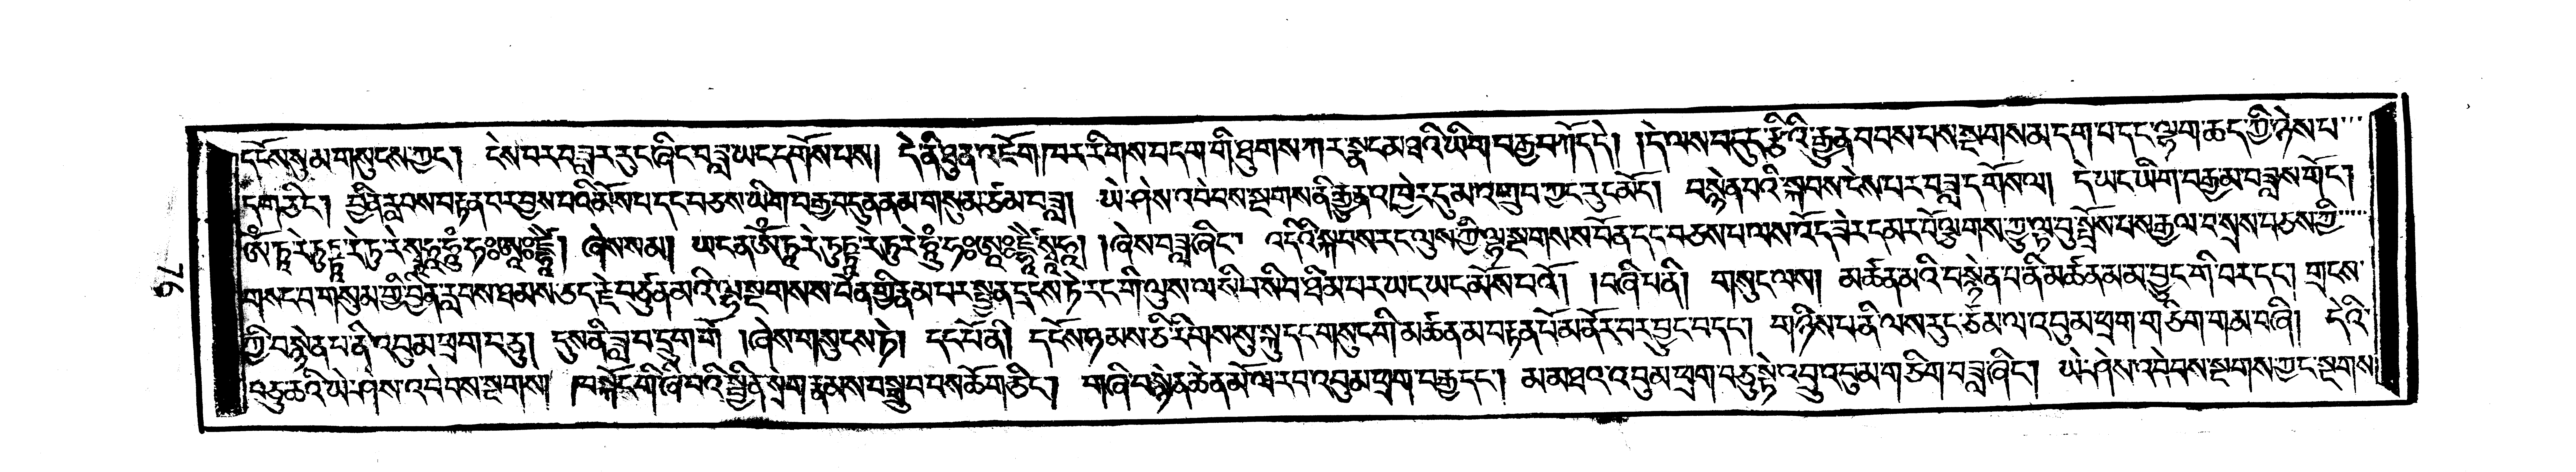དངོས་སུ་མ་གསུངས་ཀྱང་། ངེས་པར་བཟློར་རུང་ཞིང་བཟླ་ཡང་དགོས་པས། དེ་ནི་ཐུན་འཇོག་ཁར་རིགས་བདག་གི་ཐུགས་ཀར་སྣང་མཐའི་ཡིག་བརྒྱ་བཀོད་དེ། དེ་ལས་བདུད་རྩིའི་རྒྱུན་བབས་པས་སྔགས་མ་དག་པ་དང་ལྷག་ཆད་ཀྱི་ཉེས་པ་
དག་ཅིག །བྱིན་རླབས་བརྟན་པར་བྱས་པའི་མོས་པ་དང་བཅས་ཡིག་བརྒྱ་བདུན་ནམ་གསུམ་ཙམ་བཟླ། ཡེ་ཤེས་འབེབས་སྔགས་ནི་རྒྱུན་འཁྱེར་དུ་མ་འགྲུབ་ཀྱང་རུང་མོད། བསྙེན་པའི་སྐབས་ངེས་པར་བཟླ་དགོས་ལ། དེ་ཡང་ཡིག་བརྒྱ་མ་བཟླས་གོང་།
ཨོཾ་ཏཱ་རེ་ཏུཏྟཱ་རེ་ཏུ་རེ་སྭཱཧཱ་ཧཱུཾ་ཧཿཨཱཿཛྷཻཿ ཞེས་སམ། ཡང་ན་ཨོཾ་ཏཱ་རེ་ཏུཏྟཱ་རེ་ཏུ་རེ་ཧཱུཾ་ཧཿཨཱཿཛྷཻཿསྭཱཧཱ། ཞེས་བཟླ་ཞིང་། འདིའི་སྐབས་རང་ལུས་ཀྱི་ལྷ་སྔགས་ས་བོན་དང་བཅས་པ་ལས་འོད་ཟེར་དམར་པོ་ལྕགས་ཀྱུ་ལྟ་བུ་སྤྲོས་པས་རྒྱལ་བ་སྲས་བཅད་ཀྱི་
གསང་བ་གསུམ་གྱི་བྱིན་རླབས་ཐམས་ཅད་རྗེ་བཙུན་མའི་ལྷ་སྦགས་ས་བོན་གྱི་རྣམ་པར་སྤྱན་དྲངས་ཏེ་རང་གི་ལུས་ལ་སིབ་སིབ་ཐིམ་པར་ཡང་ཡང་མོས་པའོ། །བཞི་པ་ནི། གསུང་ལས། མཚན་མའི་བསྙེན་པ་ནི་མཚན་མམ་བྱུང་གི་བར་དང་། གྲངས་
ཀྱི་བསྙེན་པ་ནི་འབུམ་ཕྲག་བཅུ། དུས་ནི་ཟླ་བ་དྲུག་གོ །ཞེས་གསུངས་ཏེ། དང་པོ་ནི། དངོས་ཉམས་ཅི་རིགས་སུ་སྐུ་དང་གསུང་གི་མཚན་མ་བརྟན་པོ་མ་ནོར་བར་བྱུང་བ་དང་། གཉིས་པ་ནི་ལས་རུང་ཙམ་ལ་འབུམ་ཕྲག་གཅིག་གམ་བཞི། དེའི་
བཅུ་ཆའི་ཡེ་ཤེས་འབེབས་སྔགས། ཁ་སྐོང་གི་ཞི་བའི་སྦྱིན་སྲེག་རྣམས་བསྒྲུབ་པས་ཆོག་ཅིང་། གཞི་བསྙེན་ཆེན་མོ་ལ་རབ་འབུམ་ཕྲག་བརྒྱེ་དང་། མ་མཐའ་འབུམ་ཕྲག་བཅུ་སྟེ་འབྲུ་འབུམ་གཅིག་བཟླ་ཞིང་། ཡེ་ཤེས་འབེབས་སྔགས་ཀྱང་སྔགས་